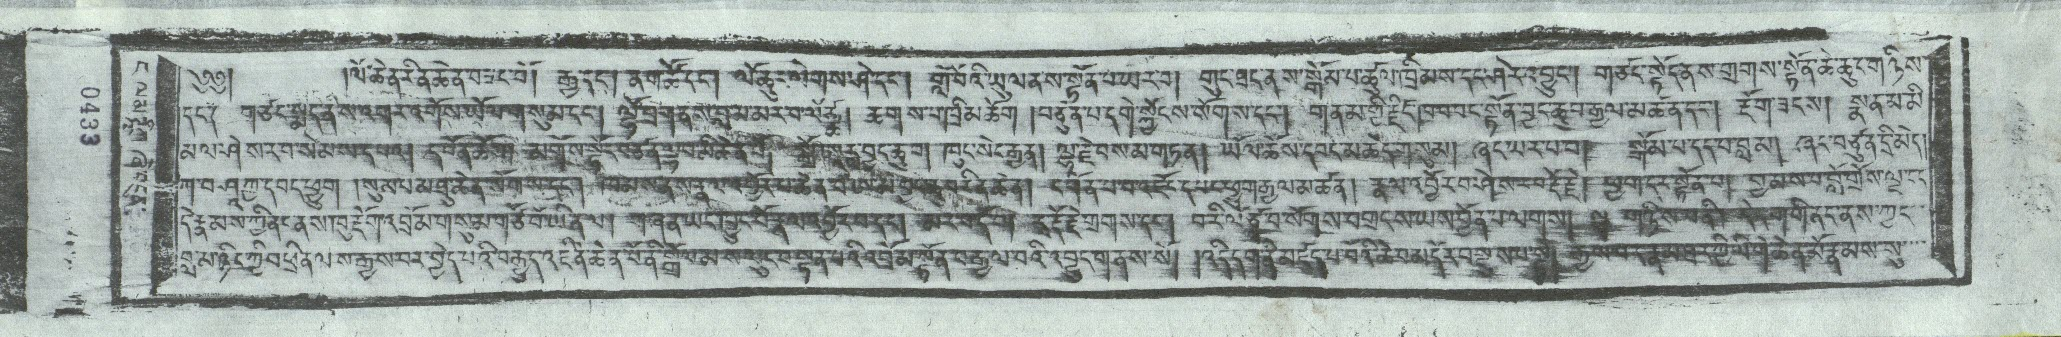༄༅། །ལོ་ཆེན་རིན་ཆེན་བཟང་བོ། རྒྱ་དང་། ནག་ཚོ་དང་། ལོ་ཆུང་ལེགས་ཤེ་དང་། གློ་བོའི་ཡུལ་ནས་སྟོན་པ་ཡ་རབ། གུང་ཐང་ནས་སྒོམ་པ་ཚུལ་ཁྲིམས་དང་ཤེར་འབྱུང་། གཙང་སྟོད་ནས་གྲགས་སྟོན་ཆེ་ཆུང་གཉིས་
དང༑ གཙང་སྨད་ནས་འགར་འགོས་ཡོལ་གསུམ་དང་། ལྷོ་བྲག་ནས་བླ་མ་མར་བ་ལོ་ཙྪ། ཆག་ཡབ་ཁྲི་མཆོག །བཙུ་ན་པ་དགེ་སྐྱོང་སོགས་དང་། གནམ་གྱི་རྗིང་ཁ་?་བང་སྟོན་བྱང་ཆུབ་རྒྱལ་མཚན་དང་། རྡོག་ཟངས། སྣན་ནམ་མི་
མལ་ཤེས་རབ་སེམས་དཔའ། དཔོན་ཆོས། མགོས་སྟོང་བཙན་ལྷབ་མི་ཆེན་པོ། སྒྲོ་ཨཱརྱ་བྱང་ཆུབ། ཁུང་སེང་རྒྱན། ལྷ་རྗེ་བསམ་གཏན། ཡོལ་ཆོས་དབང་མཆེད་གསུམ། ཞང་ཡར་པ་བ། སྒོམ་པ་དད་པ་བླ་མ། ཞང་བཙུན་དྲི་མེད།
ཀ་བཤཱཀྱ་དབང་ཕྱུག །སུམ་པ་མཐུ་ཆེན་སོགས་དང་། ཁམས་ནས་རྣལ་འབྱོར་པ་ཆེན་བོ་ཨ་མེ་བྱང་ཆུབ་རིན་ཆེན། དགོ་ན་པ་བ་འཇོད་དཔང་ཕྱུག་རྒྱལ་མཚན། རྣལ་འབྱོར་བ་ཤེས་ར་བརྡོ་རྗེ། ཕྱག་དར་སྟོན་པ། བྱམས་པ་བློ་གྲོས་ལྔ་དང་
དེ་རྣམས་ཀྱི་ནང་ནས་ཁུ་རྡོག་འབྲོམ་གསུམ་གཙོ་བོ་ཡིན་ལ། གཞན་ཡང་ཁྱུང་བོ་རྣལ་འབྱོར་བ་དང་། མར་བ་དོ་བ། རྭ་རྡོ་རྗེ་གྲགས་དང་། བ་རི་ལོ་ཙཱ་བ་སོགས་བགྲངས་ཡས་བྱོན་པ་ལགས། ༈ གཉིས་པ་ནི། དེ་དག་གི་ནང་ནས་ཀྱང་
བླ་མ་ཉིད་ཀྱི་བྥྲིན་ལས་རྒྱས་བར་བྱེད་པའི་བརྒྱུད་འཛིན་ཆེན་པོ་ནི་སྒྲོལ་མས་ལུང་བསྟན་པའི་འབྲོམ་སྟོན་བརྒྱལ་བའི་འབྱུང་གནས་སོ། །འདི་དག་ནི་མཛད་པ་བོའི་ཆེ་བ་མདོར་བསྡུས་པ་སྟེ། རྒྱས་བར་རྣམ་ཐར་ཀྱི་ལི་གེ་ཆེན་མོ་རྣམས་སུ་